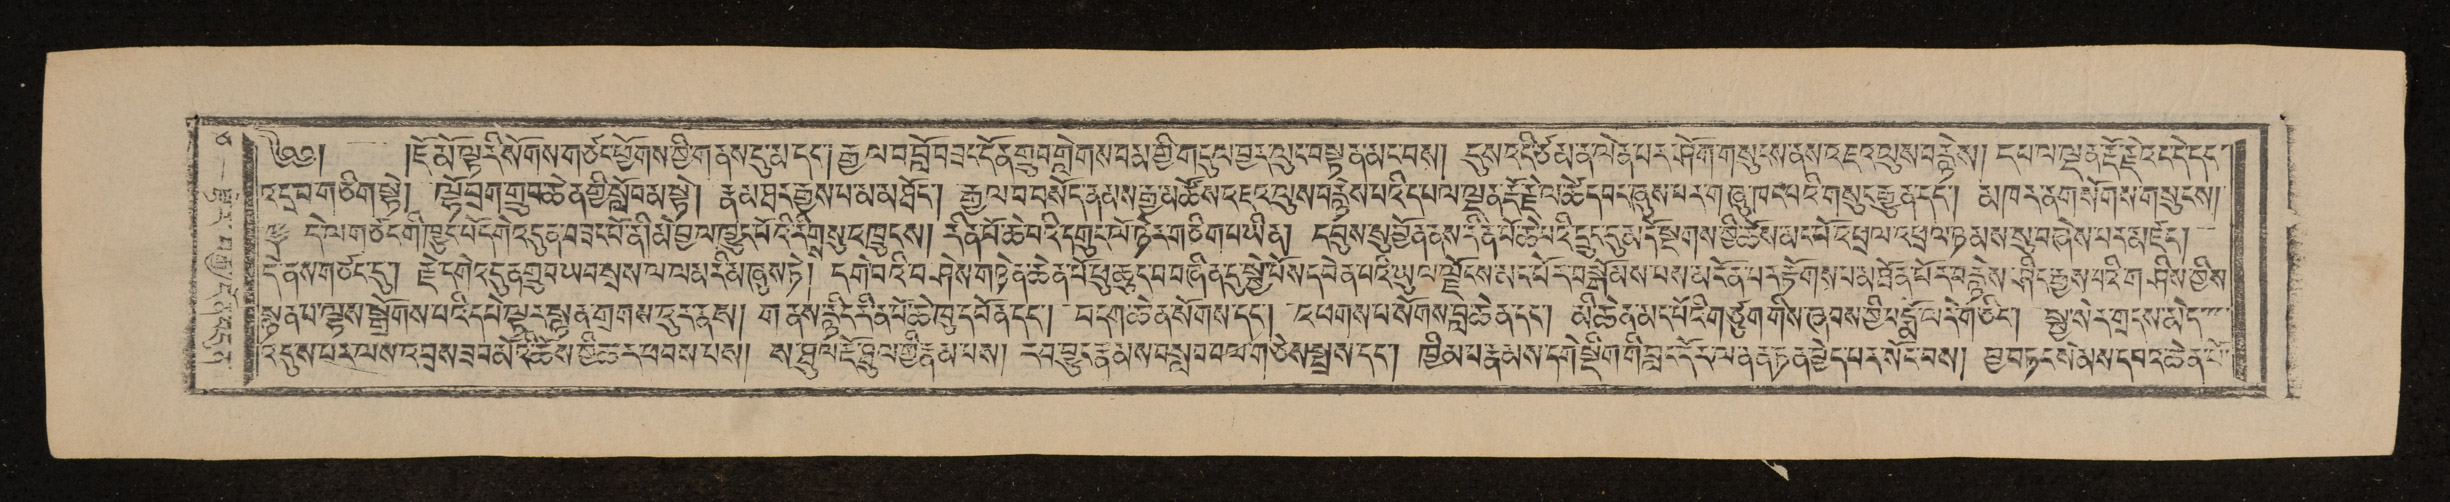༄༅། །ཇོ་མོ་ལྷ་རི་སོགས་གཙང་ཕྱོགས་ཀྱི་གནས་དུ་མ་དང་། རྒྱལ་བ་བློ་བཟང་དོན་གྲུབ་གླེགས་བམ་གྱི་གདུལ་བྱར་ལུང་བསྟན་མང་བས། དུས་འདི་ཙམ་ན་ལེན་པར་ཤོག་གསུངས་ནས་འཇའ་ལུས་བརྙེས། དཔལ་ལྡན་རྡོ་རྗེའང་དེ་དང་
འདྲ་བ་གཅིག་སྟེ། ལྷོ་བྲག་གྲུབ་ཆེན་གྱི་སློབ་མ་སྟེ། རྣམ་ཐར་རྒྱས་པ་མ་མཐོང་། རྒྱལ་བ་བསོད་ནམས་རྒྱ་མཚོས་འཇའ་ལུས་བརྙེས་པའི་དཔལ་ལྡན་རྡོ་རྗེ་ལ་ཚེ་དབང་ཞུས་པར་གཞུ་ཁང་པའི་གསུང་རྒྱུན་དང་། མཁར་ནག་སོགས་གསུངས།
༈ དེ་ལ་གཙང་གི་ཁྱུང་པོ་དགེ་འདུན་བཟང་པོ་ནི། མེ་བྱ་ལ་ཁྱུང་པོའི་རིགས་སུ་འཁྲུངས། རིན་པོ་ཆེ་བའི་དགུང་ལོ་ཉེར་གཅིག་པ་ཡིན། དབུས་སུ་བྱོན་ནས་རིན་པོ་ཆེ་བའི་དྲུང་དུ་མདོ་སྔགས་ཀྱི་ཆོས་མང་པོ་འཕྲལ་འཕྲལ་ཉམས་སུ་བཞེས་པར་མཛད།
དེ་ནས་གཙང་དུ། རྗེ་དགེ་འདུན་གྲུབ་ཡབ་སྲས་ལ་ལམ་རིམ་ཞུས་ཏེ། དགེ་བའི་བཤེས་གཉེན་ཆེན་པོ་ཕུ་ཆུང་བ་བཞིན་དུ་སྐྱེ་བོས་དབེན་པའི་ཡུལ་ལྗོངས་མང་པོར་བསྒོམས་པས་མངོན་པར་རྟོགས་པ་མཐོན་པོར་བརྙེས་ཤིང་རྒྱས་པའི་གཤིས་ཀྱིས་
སྙན་པ་ལྷས་སྒྲོགས་པའི་དཔེ་ལྟར་སྙན་གྲགས་འུར་ནས། གནས་རྙིང་རིན་པོ་ཆེ་ཁུ་དབོན་དང་། བདག་ཆེན་སོགས་དང་། འཕགས་པ་སོགས་བླ་ཆེན་དང་། མི་ཆེན་མང་པོའི་གཙུག་གིས་ཞབས་ཀྱི་པདམོ་ལ་རེག་ཅིང་། སྐྱ་སེར་གྲངས་མེད་
འདུས་པར་ལས་འབྲས་ཟབ་མོའི་ཆོས་ཀྱི་ཆར་ཕབས་པས། ས་ཐུལ་རྡོ་ཐུལ་གྱི་རྣམ་པས། རབ་བྱུང་རྣམས་བསླབ་པ་ལ་གཅེས་སྤྲས་དང་། ཁྱིམ་པ་རྣམས་དགེ་སྡིག་གི་བླང་དོར་ལ་ནན་ཏན་བྱེད་པར་སོང་བས། བྱང་ཏང་སེམས་དཔའ་ཆེན་པོ་